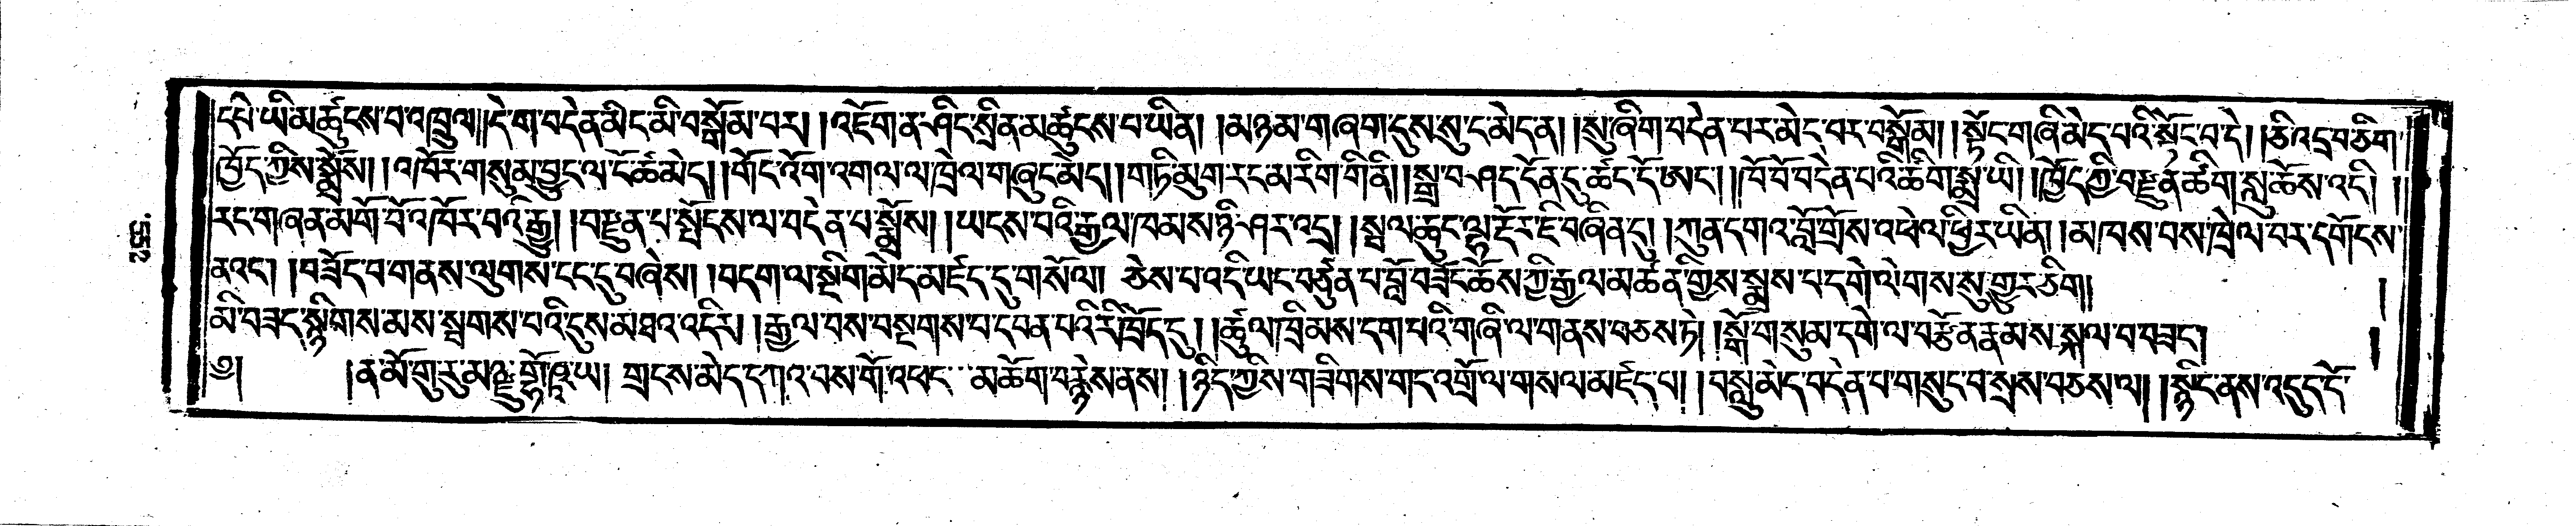དཔེ་ཡི་མཚུངས་པ་འཁྲུལ། །དེ་ག་བདེན་མེད་མི་བསྒོམ་པར། །འཇོག་ན་ཤིང་སྲིན་མཚུངས་པ་ཡིན། །མཉམ་གཞག་དུས་སུ་ང་མེད་ན། །སུ་ཞིག་བདེན་པར་མེད་པར་བསྒོམ། །སྟོང་གཞི་མེད་པའི་སྟོང་པ་དེ། །ཅི་འདྲ་བ་ཅིག་
ཁྱོད་ཀྱིས་སྨྲོས། །འཁོར་གསུམ་བྱུང་ལ་ངོ་ཚ་མེད། །གོང་འོག་འགལ་ལ་ཁྲེལ་གཞུང་མང་། །གཏི་མུག་རང་མ་རིག་གི་ནི། །སྒྲ་བཤད་དོན་དུ་ཚང་ངོ་ཨང་། །ཁོ་བོ་བདེན་པའི་ཚིག་སྨྲ་ཡི། །ཁོང་གྱི་བརྫུན་ཚིག་སླུ་ཆོས་འདི།།
རང་གཞན་མགོ་བོ་འཁོར་བའི་རྒྱུ། །བརྫུན་པ་སྤོངས་ལ་བདེན་པ་སྨོས། །ཡང་པའི་རྒྱལ་ཁམས་ཉི་ཤར་འདྲ། །སྦལ་ཅུང་ལྷ་རྡོར་ཇི་བཞིན་དུ། །ཀུན་དགའ་བློ་གྲོས་འཕེལ་ཕྱིར་ཡིན། །མཁས་པས་ཁྲེལ་བར་དགོངས་
ནའང་། །བཟོད་པ་གནས་ལུགས་དང་དུ་བཞེས། །བདག་ལ་སྡིག་མེད་མཛད་དུ་གསོལ། ཅེས་པ་འདི་ཡང་བཙུན་པ་བློ་བཟང་ཆོས་ཀྱི་རྒྱལ་མཚན་གྱིས་སྨྲས་པ་དགེ་ལེགས་སུ་གྱུར་ཅིག ། །།
མི་བཟད་སྙིགས་མས་སྦགས་པའི་དུས་མཐའ་འདིར། །རྒྱལ་བས་བསྔགས་པ་དབེན་པའི་རི་ཁྲོད་དུ། །ཚུལ་ཁྲིམས་དག་པའི་གཞི་ལ་གནས་བཅས་ཏེ། །སྒོམ་གསུམ་དགེ་ལ་བརྩོན་རྣམས་སྐལ་བ་བཟང་། །